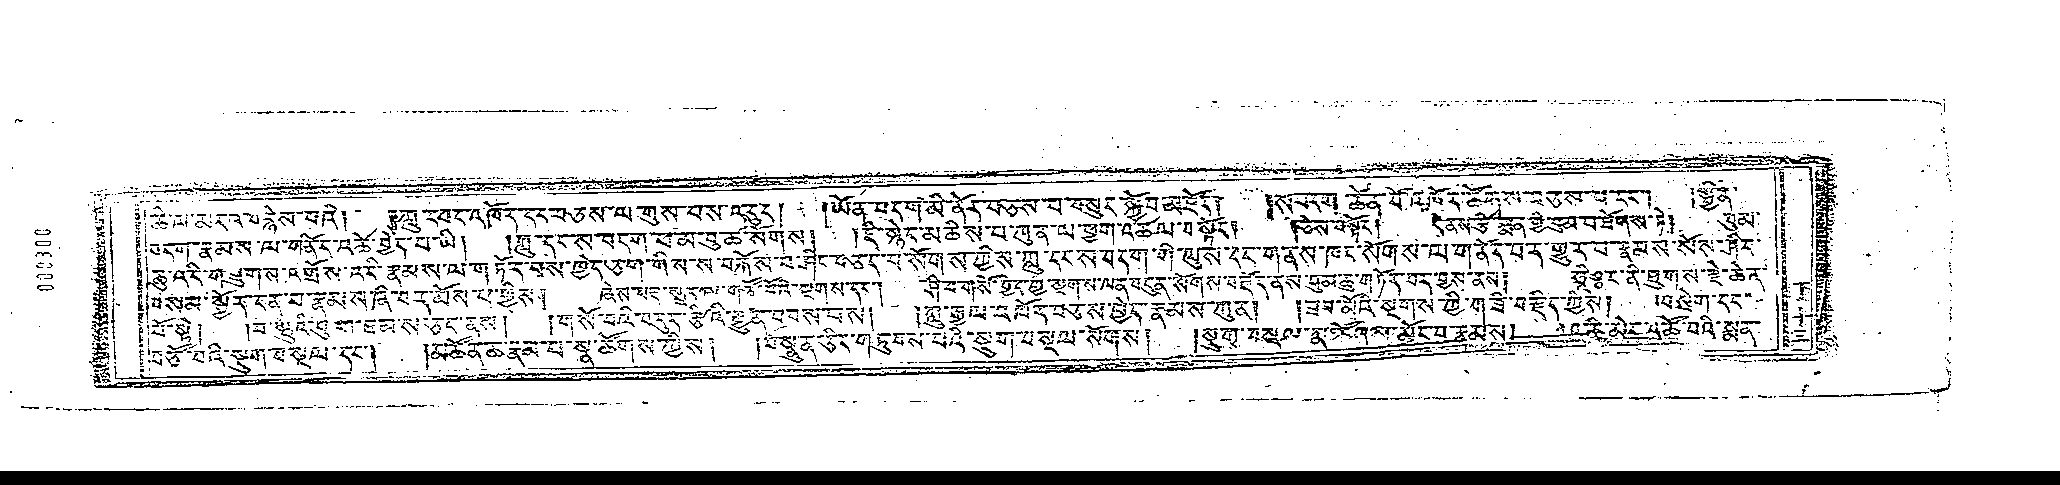ཆེ་ལ་མདའ་བརྙེས་པའི། །ཀླུ་དབང་འཁོར་དང་བཅས་ལ་གུས་པས་འདུད། །ཡོན་བདག་མི་ནོར་བཅས་པ་བསྲུང་སྐྱོབ་མཛོད། །ས་བདག་ཆེན་པོ་འཁོར་ཚོགས་བཅས་པ་དང་། །སྦྱིན་
བདག་རྣམས་ལ། གནོད་འཚེ་བྱེད་པ་ཡི། །ཀླུ་དང་ས་བདག་ཕ་མ་བུ་ཚ་སོགས། །ཇི་སྙེད་མཆིས་པ་ཀུན་ལ་ཕྱག་འཚལ་བསྟོད། །ཅེས་བསྟོད། །དེ་ནས་རྩི་སྨན་གྱི་བུམ་པ་ཐོགས་ཏེ། བུམ་
ཆུ་འདི་གཟུགས་འགྲོས་འདི་རྣམས་ལ་གཏོར་བས་ཁྱེད་ཅག་གིས་ས་བརྐོས་པ་ཤིད་བཅད་པ་སོགས་ཀྱིས་ཀླུ་དང་ས་བདག་གི་ལུས་དང་གནས་ཁང་སོགས་ལ་གནོད་པར་རྒྱུར་པ་རྣམས་སོས་ཤིང་
བསམ་སྦྱོར་ངན་པ་རྣམས་ཞི་བར་མོས་པ་གྱིས། །ཞེས་བརྡ་སྦྱང་ལ་གཙོ་བོའི་སྔགས་དང་། །ཤི་བ་གསོ་བྱེད་ཀྱི་སྔགས་ལན་བདུན་སོགས་བརྗོད་ནས་བུམ་ཆུ་གཏོར་བར་བྱས་ནས། །ཧཱཾཿ ད་ནི་ཐུགས་རྗེ་ཆེན་
པོ་སྟེ། །བ་སྦུའི་བུ་ག་ཐམས་ཅད་ནས། །གསོ་པའི་བདུད་རྩིའི་རྒྱུན་བབས་པས། །ཀླུ་རྒྱལ་འཁོར་བཅས་ཁྱེད་རྣམས་ཀུན། །ཟབ་མོའི་སྔགས་ཀྱི་གཟི་བརྗིད་ཀྱིས། །བསྲེག་དང་
བཙོ་བའི་སྡུག་བསྔལ་དང་། །མཚོན་ཆ་རྣམ་བ་སྣ་ཚོགས་ཀྱིས། །བསྣུན་ཅིང་གཏུབས་པའི་སྡུག་བསྔལ་སོགས། །སྡུག་བསྔལ་སྣ་ཚོགས་མྱོང་བ་རྣམས། །འཆི་མེད་འཚེ་བའི་སྨན་